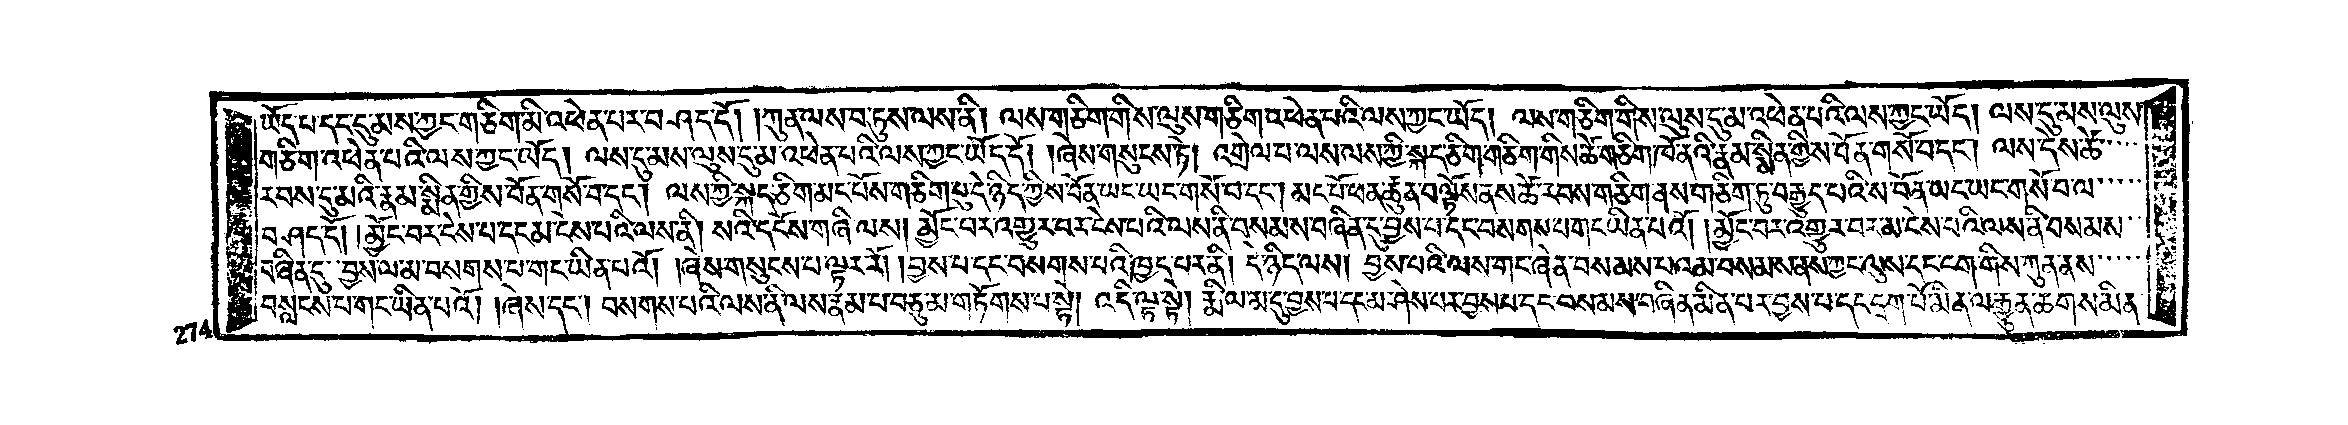ཡོད་པ་དང་དུ་མས་ཀྱང་གཅིག་མི་འཕེན་པར་བཤད་དོ། །ཀུན་ལས་བཏུས་ལས་ནི། ལས་གཅིག་གིས་ལུས་གཅིག་འཕེན་པའི་ལས་ཀྱང་ཡོད། ལས་གཅིག་གིས་ལུས་དུ་མ་འཕེན་པའི་ལས་ཀྱང་ཡོད། ལས་དུ་མས་ལུས་
གཅིག་འཕེན་པའི་ལས་ཀྱང་ཡོད། ལས་དུ་མས་ལུས་དུ་མ་འཕེན་པའི་ལས་ཀྱང་ཡོད་དོ། །ཞེས་གསུངས་ཏེ། འགྲེལ་པ་ལས་ལས་ཀྱི་སྐད་ཅིག་གཅིག་གིས་ཚེ་གཅིག་ཁོ་ནའི་རྣམ་སྨིན་གྱི་ས་བོན་གསོ་བ་དང་། ལས་དེས་ཚེ་
རབས་དུ་མའི་རྣམ་སྨིན་གྱི་ས་བོན་གསོ་བ་དང་། ལས་ཀྱི་སྐད་ཅིག་མང་པོས་གཅིག་པུ་དེ་ཉིད་ཀྱི་ས་བོན་ཡང་ཡང་གསོ་བ་དང་། མང་པོ་ཕན་ཚུན་བལྟོས་ནས་ཚེ་རབས་གཅིག་ནས་གཅིག་ཏུ་བརྒྱུད་པའི་ས་བོན་ཡང་ཡང་གསོ་བ་ལ་
བཤད་དོ། །མྱོང་བར་ངེས་པ་དང་མ་ངེས་པའི་ལས་ནི། སའི་དངོས་གཞི་ལས། མྱོང་བར་འགྱུར་བར་ངེས་པའི་ལས་ནི་བསམས་བཞིན་དུ་བྱས་པ་དང་བསགས་པ་གང་ཡིན་པའོ། །མྱོང་བར་འགྱུར་བར་མ་ངེས་པའི་ལས་ནི་བསམས་
བཞིན་དུ་བྱས་ལ་མ་བསགས་པ་གང་ཡིན་པའོ། །ཞེས་གསུངས་པ་ལྟར་རོ། །བྱས་པ་དང་བསགས་པའི་ཁྱད་པར་ནི། དེ་ཉིད་ལས། བྱས་པའི་ལས་གང་ཞེ་ན་བསམས་པའམ་བསམས་ནས་ཀྱང་ལུས་དང་ངག་གིས་ཀུན་ནས་
བསླངས་པ་གང་ཡིན་པའོ། །ཞེས་དང་། བསགས་པའི་ལས་ནི་ལས་རྣམ་པ་བཅུ་མ་གཏོགས་པ་སྟེ། འདི་ལྟ་སྟེ། རྨི་ལམ་དུ་བྱས་པ་དང་མ་ཤེས་པར་བྱས་པ་དང་བསམས་བཞིན་མིན་པར་བྱས་པ་དང་དྲག་པོ་མིན་ལ་རྒྱུན་ཆགས་མིན་